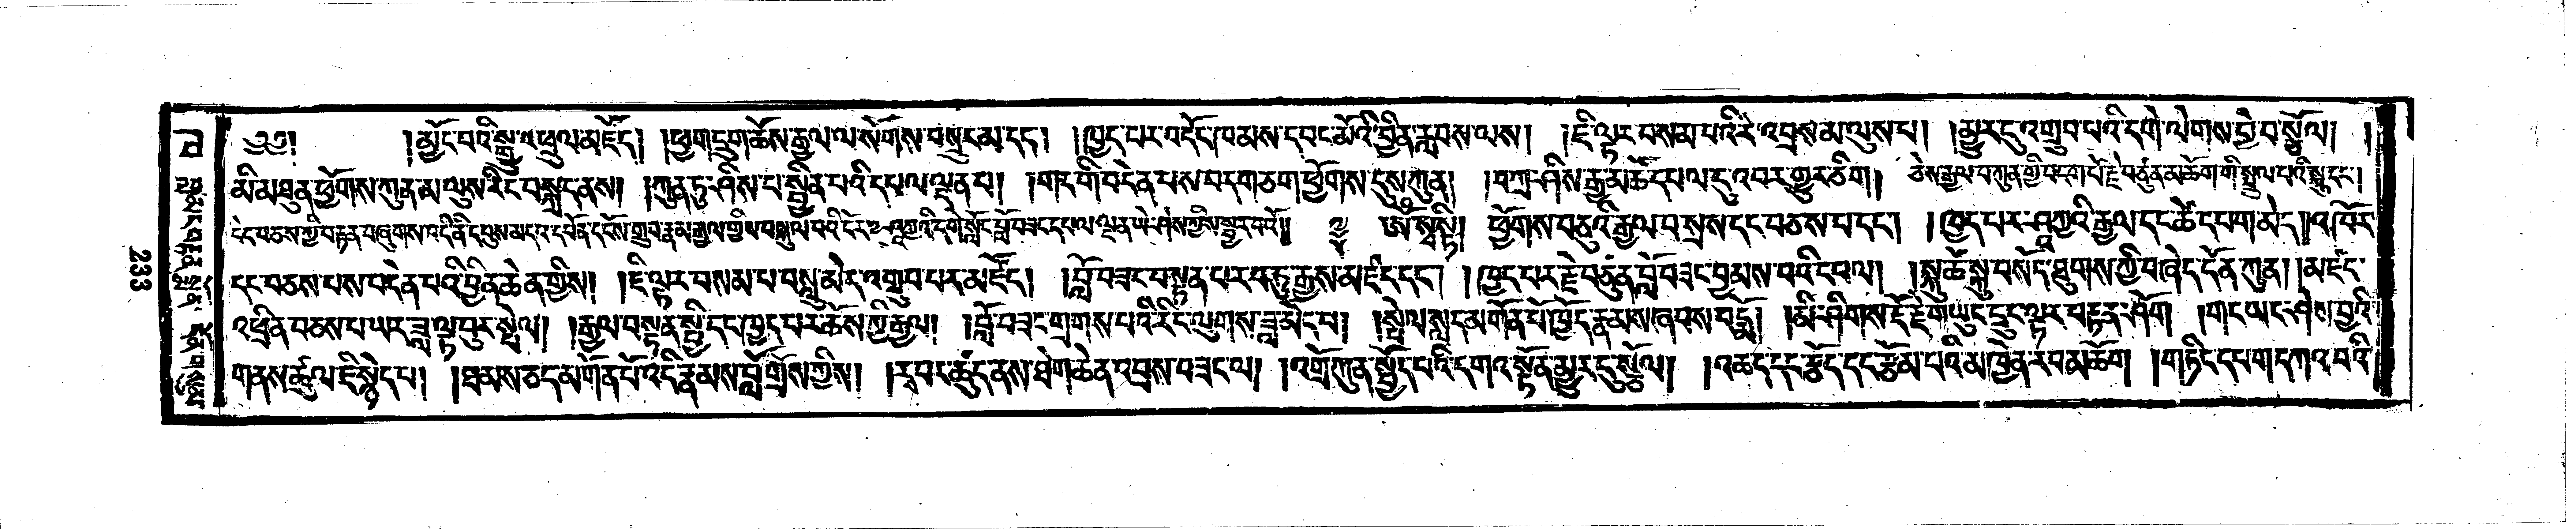༄༅། །མྱོང་བའི་སྒྱུ་འཕྲུལ་མཛོད། །ཕྱག་དྲུག་ཆོས་རྒྱལ་ལ་སོགས་བསྲུང་མ་དང་། །ཁྱད་པར་འདོད་ཁམས་དབང་མོའི་བྱིན་རླབས་ལས། །ཇི་ལྟར་བསམ་པའི་རེ་འབྲས་མ་ལུས་པ། །མྱུར་དུ་འགྲུབ་པའི་དགེ་ལེགས་བྱེ་བ་སྩོལ། །
མི་མཐུན་ཕྱོགས་ཀུན་མ་ལུས་རིང་བསྐྲད་ནས། །ཀུན་ཏུ་ཤིས་པ་སྦྱིན་པའི་དཔལ་ལྡན་པ། །གར་གི་བདེན་པས་བདག་ཅག་ཕྱོགས་དུས་ཀུན། །བཀྲ་ཤིས་རྒྱ་མཆོད་དཔལ་དུ་འབར་གྱུར་ཅིག། ཅེས་རྒྱལ་བ་ཀུན་གྱི་བདག་པོ་རྗེ་བཙུན་མཆོག་གི་སྤྲུལ་པའི་སྐུ་དང་།
ངེད་བཅས་ཀྱི་བརྟན་བཞུགས་འདི་ནི་དབུས་མདའ་དཔོན་དངོས་གྲུབ་རྣམ་རྒྱལ་གྱིས་བསྐུལ་བའི་ངོར་༧་ཤཱཀྱའི་དགེ་སློང་བློ་བཟང་དཔལ་ལྡན་ཡེ་ཤེས་ཀྱིས་སྦྱར་བའོ།། ༈ ཨོཾ་སྭསྟི། ཕྱོགས་བཅུའི་རྒྱལ་བ་སྲས་དང་བཅས་པ་དང་། །ཁྱད་པར་ཤཱཀྱའི་རྒྱལ་དང་ཚེ་དཔག་མེད། །འཁོར་
དང་བཅས་པས་བདེན་པའི་བྱིན་ཆེན་གྱིས། །ཇི་ལྟར་བསམ་པ་བསླུ་མེད་འགྲུབ་པར་མཛོད། །བློ་བཟང་བསྟན་པ་རབ་ཏུ་རྒྱས་མཛད་དང་། །ཁྱད་པར་རྗེ་བཙུན་བློ་བཟང་བྱམས་པའི་དཔལ། །སྐུ་ཚེ་སྐུ་བསོད་ཐུགས་ཀྱི་བཞེད་དོན་ཀུན། །མཛད་
འཕྲིན་བཅས་པ་ཡར་ཟླ་ལྟ་བུར་སྤེལ། །རྒྱལ་བསྟན་སྤྱི་དང་ཁྱད་པར་ཆོས་ཀྱི་རྒྱལ། །བློ་བཟང་གྲགས་པའི་རིང་ལུགས་ཟླ་མེད་པ། །སྤེལ་སླད་མགོན་པོ་ཁྱོད་རྣམས་ཞབས་པདམོ། །མི་ཤིགས་རྡོ་རྗེ་གཡུང་དྲུང་ལྟར་བརྟན་ཤོག །གང་ཡང་ཤེས་བྱའི་
གནས་ཚུལ་ཇི་སྙེད་པ། །ཐམས་ཅད་མགོན་པོ་འདི་རྣམས་བློ་གྲོས་ཀྱིས། །རྭ་བར་ཚུད་ནས་ཐེག་ཆེན་འབྲས་བཟང་ལ། །འགྲོ་ཀུན་སྤྱོད་པའི་དགའ་སྟོན་མྱུར་དུ་སྩོལ། །འཆད་དང་རྩོད་དང་རྩོམ་པའི་མཁྱེན་རབ་མཆོག །གཏིང་དཔག་དཀའ་བའི་